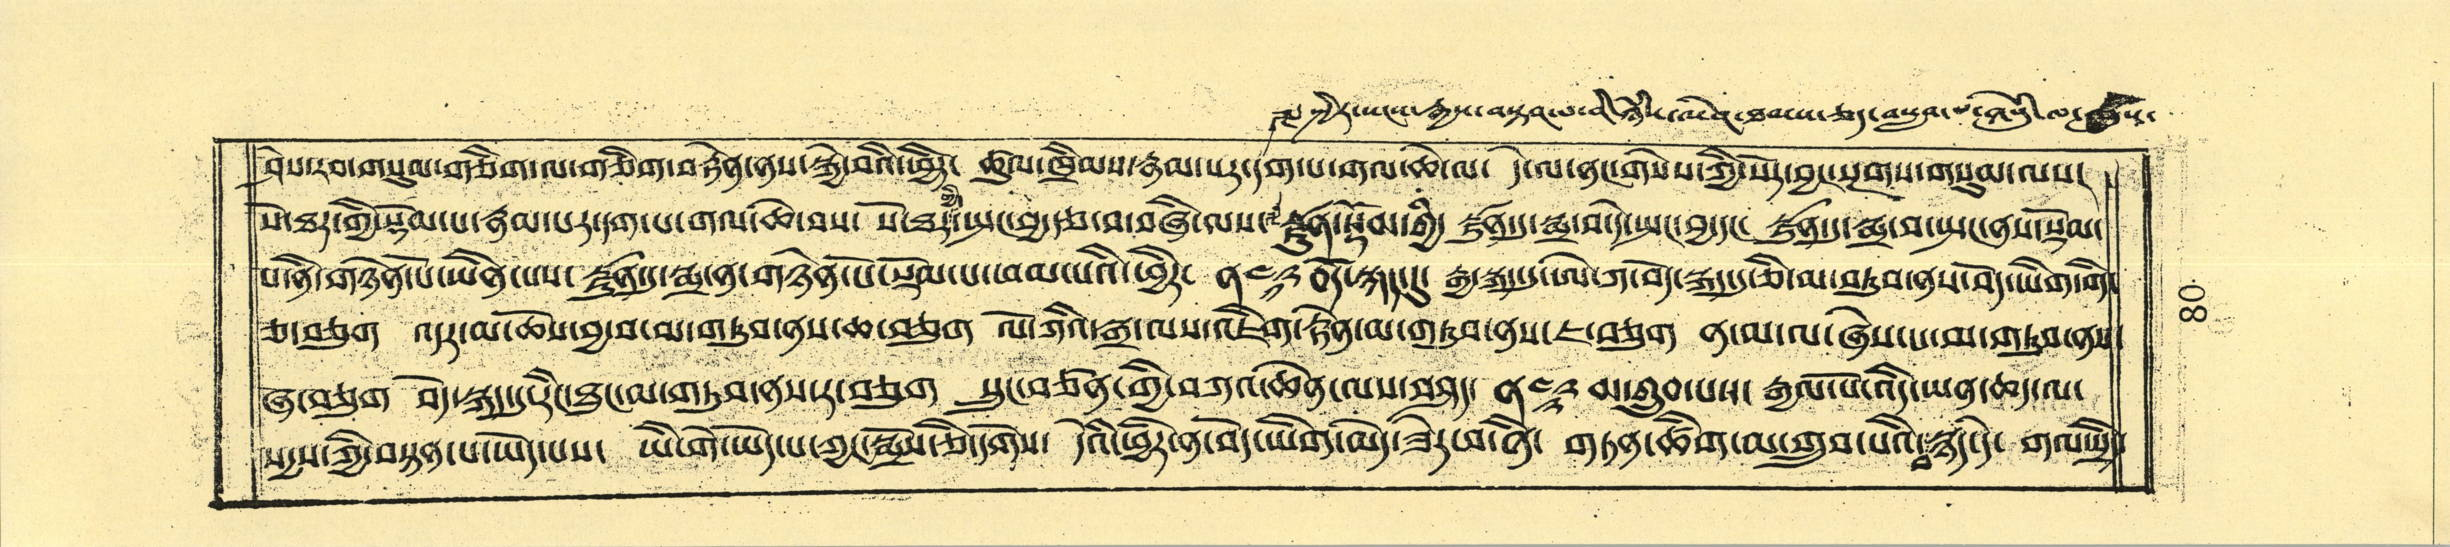ཤེས་རབ་གསུམ་གཅིག་ལ་གཅིག་བརྟེན་ནས་སྐྱེ་བའི་ཕྱིར། ཚུལ་ཁྲིམས་རྣམ་པར་དག་པ་གལ་ཆེ་ལ། དེ་ལ་ནོར་བྱང་སོ་བྱང་སྔགས་གསུམ་ལས། 
སོ་ཐར་གྱི་སྡོམ་པ་རྣམ་པར་དག་པ་གལ་ཆེ་བས། སོ་ཐར་གྱི་སྤང་བྱ་རྩ་བ་བཞི་ལས། སྤྱིར་སངས་རྒྱས་ཀྱི་བསྟན་པ་ནི་ཉམས་ལེན་ཐམས་ཅད་བསླབ་པ་གསུམ་ལ་གུས།༼རྫུན་སྡོམ་གྱི༽རྫུན་དུ་སྨྲ་བ་དེ་སྤང་བྱ་དང་། རྫུན་དུ་སྨྲ་བ་སྤང་ནས་སྡོམ་
པ་ནི་གཉེན་པོ་ཡིན་པས་རྫུན་དུ་སྨྲ་ན་གཉེན་པོ་སྡོམ་པའམ་འགལ་བའི་ཕྱིར། ན༤༢།༡༼བོད་སྐད་དུ༽རྒྱ་སྐད་དུ་ཨེ་ཀ་བོད་སྐད་དུ་ཅི་མ་བཏུབ་ནས་བོད་ཡིག་གི་
ཅ་བཅུག འདར་མ་ཆོས་བྱ་བ་ལ་གཏུབ་ནད་ཆ་བཅུག ལོ་ཀའི་སྒྲ་ལས་འཇིག་རྟེན་ལ་གཏུབ་ནས་ཇ་བཅུག ན་མ་ལ་ཞེས་པ་མ་གཏུབ་ནས་
ཞ་བཅུག་ནས་ཞ་བཅུག་བོད་སྐད་རིང་ཐུང་མ་བཏུབ་ནས་ར་བཅུག་སྲུང་བཙན་གྱི་བཀའ་ཆེན་(ཆེམ)ལས་བཤད། ན༤༢།༢༼མ་གྲུབ་པས༽རྒྱལ་པོ་འདི་ཡན་ཆད་ལ་
སངས་རྒྱས་ཀྱི་བསྟན་པ་ཡོད་པས་ཡི་གེ་ཡོད་པའང་སྨྲོས་ཅི་དགོས། དེའི་ཕྱིར་ན་བོད་ཡིག་མེད་ཟེར་བ་ནི། གཏན་ཚིགས་མ་གྲུབ་པའི་ཐ་སྙད་དེ། གལ་སྲིད་